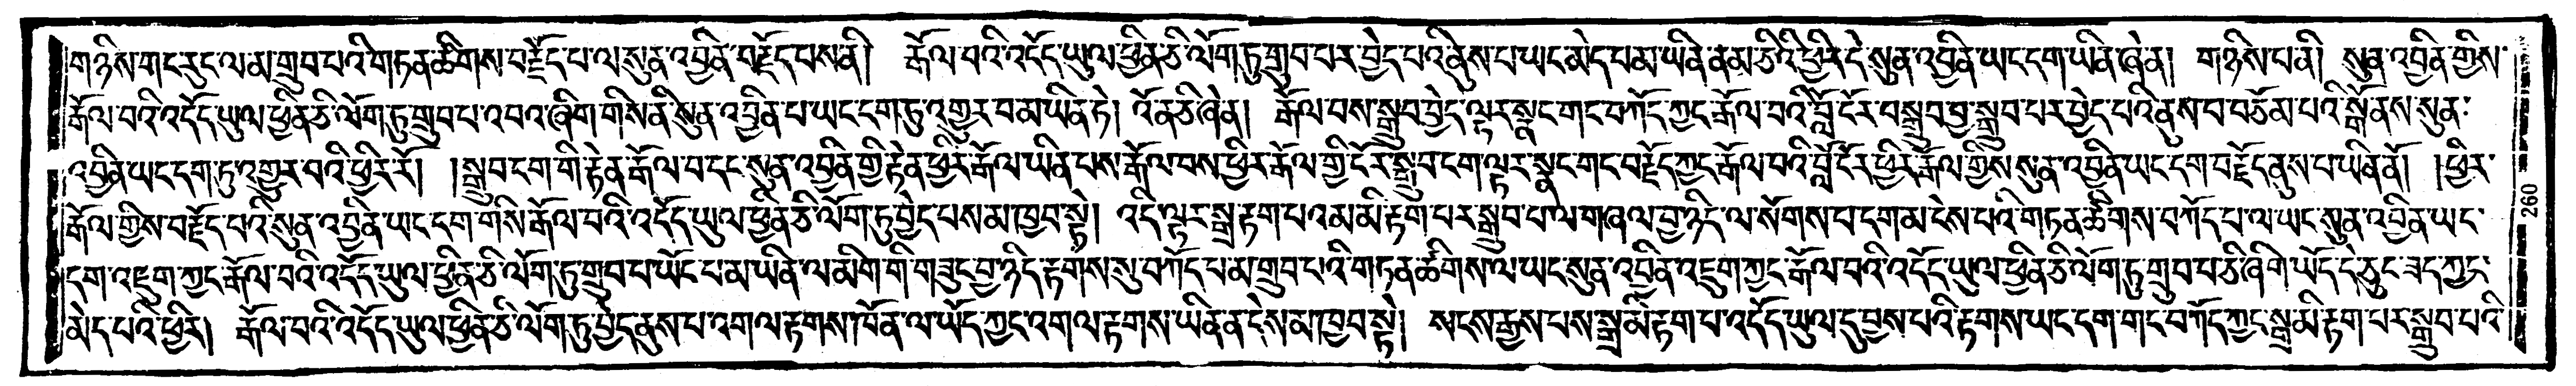གཉིས་གང་རུང་ལ་མ་གྲུབ་པའི་གཏན་ཚིགས་བརྗོད་པ་ལ་སུན་འབྱིན་བརྗོད་པས་ནི། རྒོལ་བའི་འདོད་ཡུལ་ཕྱིན་ཅི་ལོག་ཏུ་གྲུབ་པར་བྱེད་པའི་ནུས་པ་ཡང་མེད་པ་མ་ཡིན་ནམ་ཅིའི་ཕྱིར་དེ་སུན་འབྱིན་ཡང་དག་ཡིན་ཞེ་ན། གཉིས་པ་ནི། སུན་འབྱིན་གྱིས་
རྒོལ་བའི་འདོད་ཡུལ་ཕྱིན་ཅི་ལོག་ཏུ་གྲུབ་པ་འབའ་བཞིག་གིས་ནི་སུན་འབྱིན་པ་ཡང་དག་ཏུ་འགྱུར་བ་མ་ཡིན་ཏེ། འོ་ན་ཅི་ཞེ་ན། རྒོལ་བས་སྒྲུབ་བྱེད་ལྟར་སྣང་གང་བཀོད་ཀྱང་བའི་བློ་ངོར་བསྒྲུབ་བྱ་སྒྲུབ་པར་བྱེད་པའི་ནུས་པ་བཅོམ་པའི་སྒོ་ནས་སུན་
འབྱིན་ཡང་དག་ཏུ་འགྱུར་བའི་ཕྱིར་རོ། །སྒྲུབ་ངག་གི་རྟེན་རྒོལ་བ་དང་སུན་འབྱིན་གྱི་རྟེན་ཕྱིར་རྒོལ་ཡིན་པས་རྒོལ་བས་ཕྱིར་རྒོལ་གྱི་ངོར་སྒྲུབ་ངག་ལྟར་སྣང་གང་བརྗོད་ཀྱང་རྒོལ་བའི་བློ་ངོར་ཕྱིར་རྒོལ་གྱིས་སུན་འབྱིན་ཡང་དག་བརྗོད་ནུས་པ་ཡིན་ནོ། །ཕྱིར་
རྒོལ་གྱིས་བརྗོད་པའི་སུན་འབྱིན་ཡང་དག་གིས་རྒོལ་བའི་འདོད་ཡུལ་ཕྱིན་ཅི་ལོག་ཏུ་བྱེད་པས་མ་ཁྱབ་སྟེ། འདི་ལྟར་སྒྲ་རྟག་པའམ་མི་རྟག་པར་སྒྲུབ་པ་ལ་གཞལ་བྱ་ཉིད་ལ་སོགས་པ་དག་མ་ངེས་པའི་གཏན་ཚིགས་བཀོད་པ་ལ་ཡང་སུན་འབྱིན་ཡང་
དག་འཇུག་ཀྱང་རྒོལ་བའི་འདོད་ཡུལ་ཕྱིན་ཅི་ལོག་ཏུ་གྲུབ་པ་ཡོང་པ་མ་ཡིན་ལ་མིག་གི་གཟུང་བྱ་ཉིད་རྟགས་སུ་བཀོད་པ་མ་གྲུབ་པའི་གཏན་ཚིགས་ལ་ཡང་སུན་འབྱིན་འཇུག་ཀྱང་རྒོལ་བའི་འདོད་ཡུལ་ཕྱིན་ཅི་ལོག་ཏུ་གྲུབ་པ་ཅི་ཞིག་ཡོད་དེ་ཅུང་ཟད་ཀྱང་
མེད་པའི་ཕྱིར། རྒོལ་བའི་འདོད་ཡུལ་ཕྱིན་ཅི་ལོག་ཏུ་བྱེད་ནུས་པ་འགལ་རྟགས་ཁོ་ན་ལ་ཡོད་ཀྱང་འགལ་རྟགས་ཡིན་ན་ངེས་མ་ཁྱབ་སྟེ། སངས་རྒྱས་པས་སྒྲ་མི་རྟག་པ་འདོད་ཡུལ་དུ་བྱས་པའི་རྟགས་ཡང་ཨདག་གང་བཀོད་ཀྱང་སྒྲ་མི་རྟག་པར་སྒྲུབ་པའི་